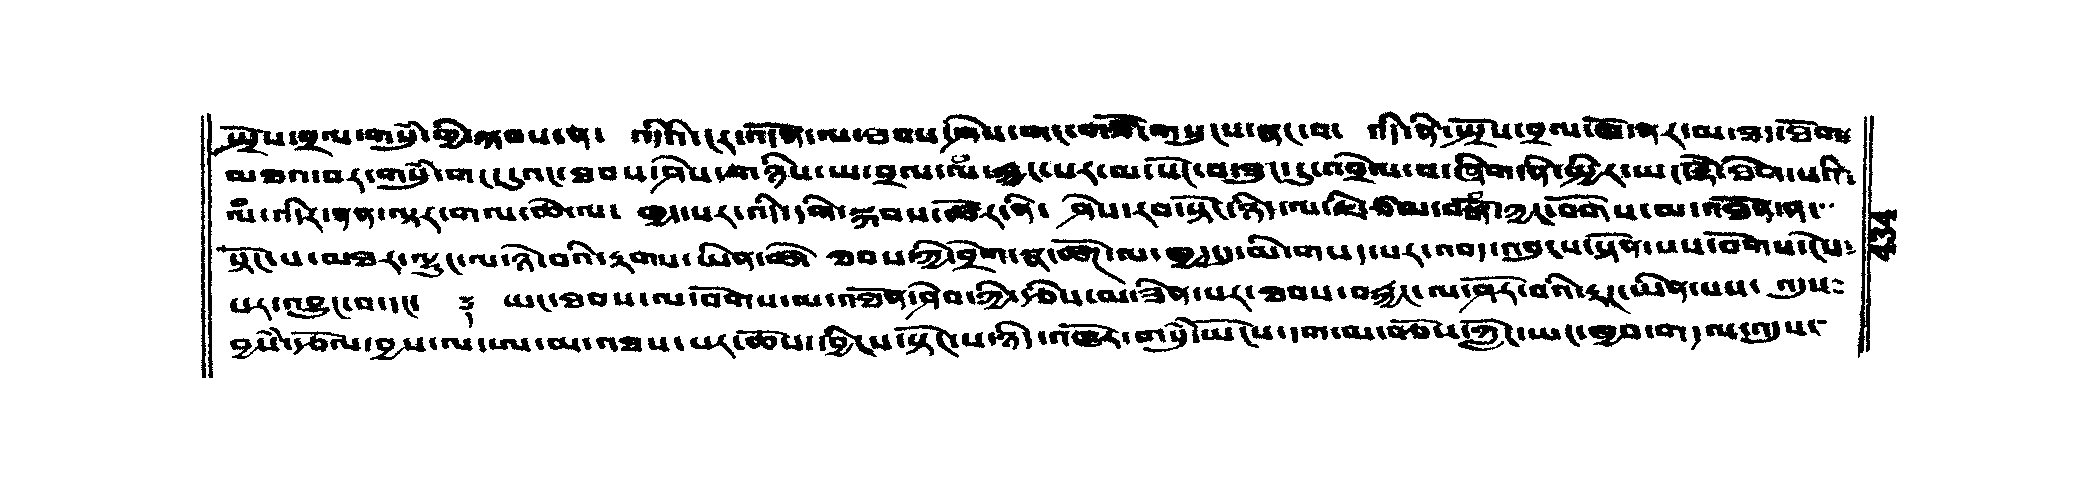སྤྲོས་བྲལ་གསུམ་གྱི་སྐབས་ན། འདིའི་ངར་འདོན་ལ་ཐབས་ཤེས་གང་གཙོ་གསུངས་སྣང་བ། འདི་ནི་སྤྲོས་བྲལ་ཁོ་ནར་མ་ཟད་ཐོག་
མཐའ་བར་གསུམ་གང་དུའང་ཐབས་ཤེས་གཉིས་ཡ་མ་བྲལ་ལམ་རྐྱང་པར་མ་སོང་བ་ཟུང་དུ་འབྲེལ་བ་ཞིག་ནི་སྤྱིར་ཡང་རྡོ་རྗེ་ཐེག་པའི་
ལམ་འདིར་ནན་ལྟར་གལ་ཆེ་ལ། ཁྱད་པར་འདི་དག་གི་སྐབས་ཚོར་ནི། ཤེས་རབ་སྟོང་ཉིད་ལ་ཇི་ཙམ་བསྒོམ་ཀྱང་བགོས་མ་འཐོན་ན་
སྟོང་པ་མཐར་ལྷུང་ལ་ཉེ་བའི་རྟགས་ཡིན་ཚེ། ཐབས་ཀྱི་བྱེ་བྲག་སྣ་ཚོགས་ལ་ཁྱད་དུ་མི་གསད་པར་འབད་འབུངས་སྟོན་པས་བོགས་ངེས་
པར་འབྱུང་བ་དང་། ༈ ཡང་ཐབས་ལ་བོགས་མ་འཐོན་ཤེབ་ཀྱི་རྩིས་མ་ཟིན་པར་ཐབས་བརྐྱང་ལ་ཤོར་བའི་རྟགས་ཡིན་པས། འདུས་
བྱས་སམ་རྩོལ་བྱས་ལ་ཨ་མ་འཐས་པར་ཆོས་དབྱིངས་སྟོང་པ་ཉིད་འཁོར་གསུམ་ཡོངས་དག་མ་བཅོས་ཀློང་ཡངསཁྱབ་གདལ་འདུས་